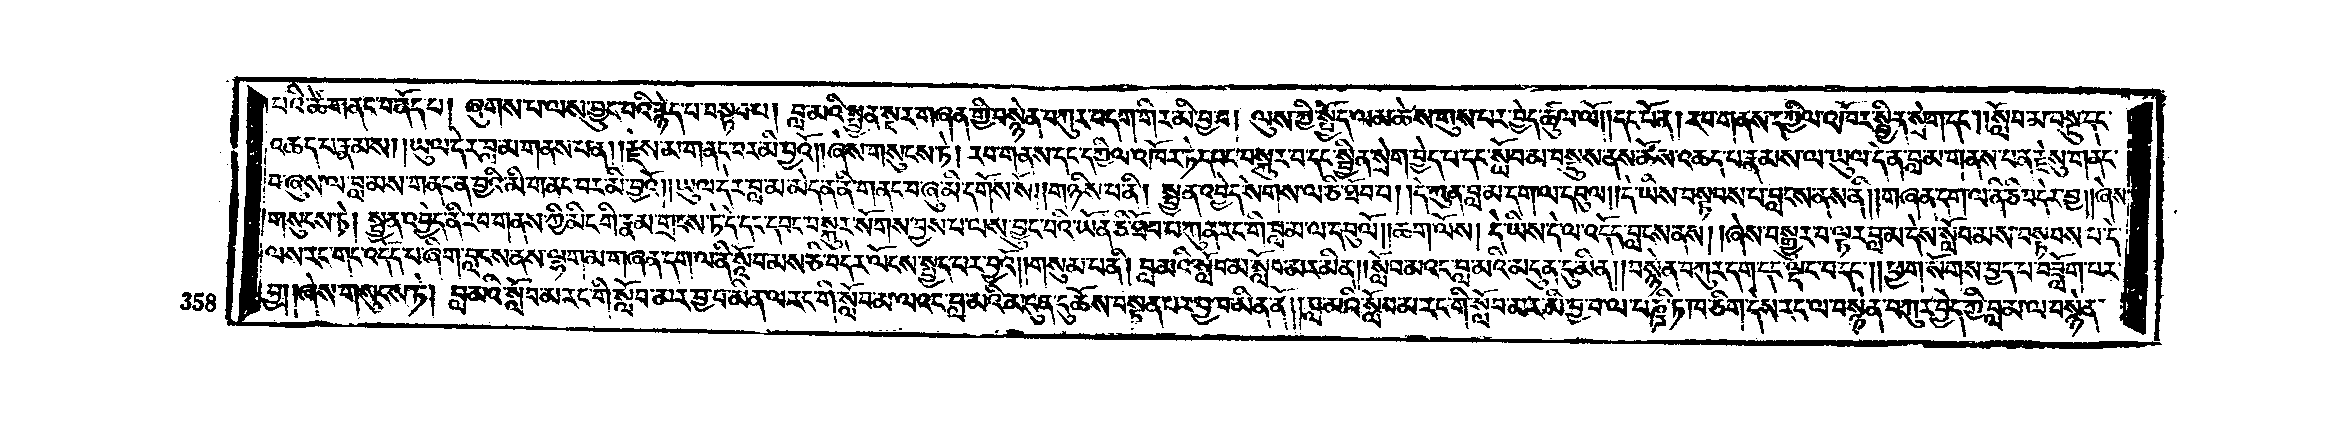པའི་ཚེ་གནང་བ་ནོད་པ། ཞུགས་པ་ལས་བྱུང་བའི་རྙེད་པ་བསྟབ་པ། བླ་མའི་སྤྱན་སྔར་གཞན་གྱི་བསྙེན་བཀུར་བདག་གིར་མི་བྱ་བ། ལུས་ཀྱི་སྤྱོད་ལམ་ཆེས་གུས་པར་བྱེད་ཚུལ་ལོ། །དང་པོ་ན། རབ་གནས་དཀྱིལ་འཁོར་སྦྱིན་སྲེག་དང་། །སློབ་མ་བསྡུ་དང་
འཆད་པ་རྣམས། །ཡུལ་དེར་བླ་མ་གནས་པ་ན། །རྗེས་མ་གནང་བར་མི་བྱའོ། །ཞེས་གསུངས་ཏེ། རབ་གནས་དང་དཀྱིལ་འཁོར་ཏེ་དབང་བསྐུར་བ་དང་སྦྱིན་སྲེག་བྱེད་པ་དང་སློབ་མ་བསྡུས་ནས་ཚོས་འཆད་པ་རྣམས་ལ་ཡུལ་དེ་ན་བླ་མ་གནས་པ་ན་རྗེས་སུ་གནང་
བ་ཞུས་ལ་བླ་མས་གནང་ན་བྱའི་མི་གནང་བར་མི་བྱའོ། །ཡུལ་དེར་བླ་མ་མེད་ན་ནི་གནང་བ་ཞུ་མི་དགོས་སོ། །གཉིས་པ་ནི། སྤྱན་འབྱེད་སེགས་ལ་ཅི་ཐོབ་པ། །དེ་ཀུན་བླ་མ་དག་ལ་དབུལ། །དེ་ཡིས་བསྟབས་པ་བླངས་ནས་ནི། །གཞན་དག་ལ་ནི་ཅི་བདེར་བྱ། །ཞེས་
གསུངས་ཏེ། སྤྱན་འབྱེད་ནི་རབ་གནས་ཀྱི་མིང་གི་རྣམ་གྲངས་ཏེ་དེ་དང་དབང་བསྐུར་སོགས་བྱས་པ་ལས་བྱུང་བའི་ཡོན་ཅི་ཐོབ་པ་ཀུན་རང་གི་བླ་མ་ལ་དབུལ་ལོ། །ཆག་ལོས། དེ་ཡིས་དེ་ལ་འདོད་བླངས་ནས། །ཞེས་བསྒྱུར་བ་ལྟར་བླ་མ་དེས་སློབ་མས་བསྟབས་པ་དེ་
ལས་རང་གང་འདོད་པ་ཞིག་བླངས་ནས་ལྷག་མ་གཞན་དག་ལ་ནི་སློབ་མས་ཅི་བདེར་ལོངས་སྤྱད་པར་བྱའོ། །གསུམ་པ་ནི། བླ་མའི་སློབ་མ་སློབ་མར་མིན། །སློབ་མའང་བླ་མའི་མདུན་དུ་མིན། །བསྙེན་བཀུར་དག་དང་ལྡང་བ་དང་། །ཕྱག་སོགས་བྱད་པ་བཟློག་པར་
བྱ། །ཞེས་གསུངས་ཏེ། བླ་མའི་སློབ་མ་རང་གི་སློབ་མར་བྱ་བ་མིན་ལ་རང་གི་སློབ་མ་ལའང་བླ་མའི་མདུན་དུ་ཆོས་བསྟན་པར་བྱ་བ་མིན་ནོ། །བླ་མའི་སློབ་མ་རང་གི་སློབ་མར་མི་བྱ་བ་ལ་པཎྜི་ཏ་ཁ་ཅིག་དེས་རང་ལ་བསྙེན་བཀུར་བྱེད་ཀྱི་བླ་མ་ལ་བསྙེན་